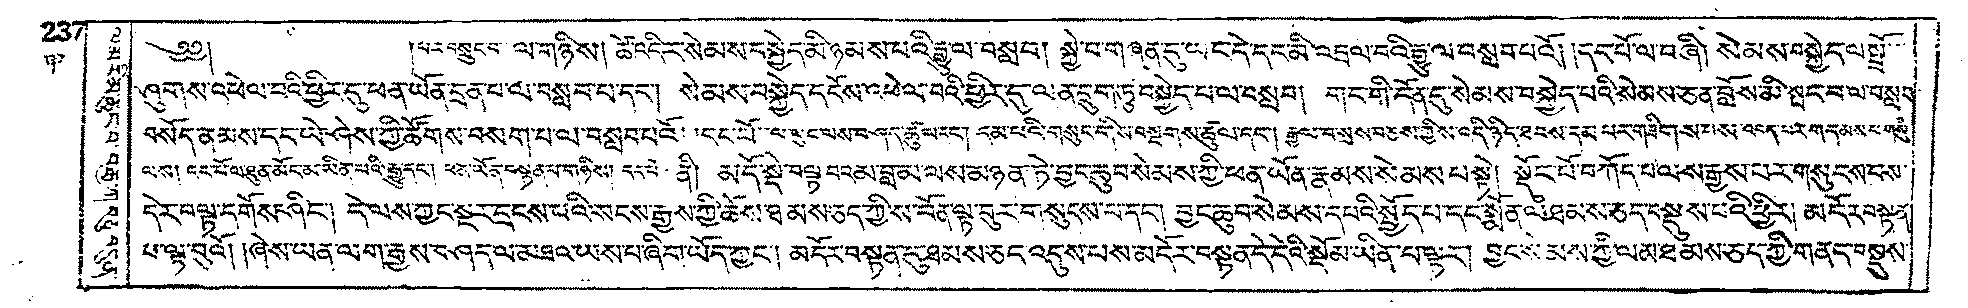༄༅། །པར་བསྲུང་བ་ལ་གཉིས། ཚེ་འདིར་སེམས་བསྐྱེད་མི་ཉམས་པའི་རྒྱུ་ལ་བསླབ། སྐྱེ་བ་གཞན་དུ་ཡང་དེ་དང་མི་འབྲལ་བའི་རྒྱུ་ལ་བསླབ་པའོ། །དང་པོ་ལ་བཞི། སེམས་བསྐྱེད་ལ་སྤྲོ་
ཤུགས་འཕེལ་བའི་ཕྱིར་དུ་ཕན་ཡོན་དྲན་པ་ལ་བསླབ་པ་དང་། སེམས་བསྐྱེད་དངོས་འཕེལ་བའི་ཕྱིར་དུ་ལན་དྲུག་ཏུ་བསྐྱེད་པ་ལ་བསླབ། གང་གི་དོན་དུ་སེམས་བསྐྱེད་པའི་སེམས་ཅན་བློས་མི་སྤང་བ་ལ་བསླབ་
བསོད་ནམས་དང་ཡེ་ཤེས་ཀྱི་ཚོགས་བསག་པ་ལ་བསླབ་པའོ། །དང་པོལ་ལུང་ལས་བཤད་ཚུལ་དང་། དམ་པའི་གསུང་གིས་བསྔགས་ཚུལ་དང་། རྒྱལ་བ་སྲས་བཅས་ཀྱིས་འདི་ཉིད་ཐབས་དམ་པར་གཟིགས་པས་འབད་པར་གདམས་པ་གསུཾ་
ལས། དང་པོ་ལ་ཐུན་མོང་མ་ཡིན་པའི་རྒྱུ་དང་། ཕན་ཡོན་བསྟན་པ་གཉིས། དང་པོ་ནི། མདོ་སྡེ་བལྟ་བའམ་བླ་མ་ལས་མཉན་ཏེ་བྱང་ཆུབ་སེམས་ཀྱི་ཕན་ཡོན་རྣམས་སེམས་པ་སྟེ། སྡོང་པོ་བཀོད་པ་ལས་རྒྱས་པར་གསུངས་བས་
དེར་བལྟ་དགོས་ཤིང་། དེ་ལས་ཀྱང་སྔར་དྲངས་པའི་སངས་རྒྱས་ཀྱི་ཆོས་ཐམས་ཅད་ཀྱི་ས་བོན་ལྟ་བུར་གསུངས་པ་དང་། བྱང་ཆུབ་སེམས་དཔའི་སྤྱོད་པ་དང་སྨོན་ལཾ་ཐམས་ཅད་བསྡུས་པའི་ཕྱིར། མདོར་བསྟན་
པ་ལྟ་བུའོ། །ཞེས་ཡན་ལག་རྒྱས་བཤད་ལ་མཐའ་ཡས་པ་ཞིག་ཡོད་ཀྱང་། མདོར་བསྟན་དུ་ཐམས་ཅད་འདུས་པས་མདོར་བསྟན་དེ་དེའི་སྡོམ་ཡིན་པ་ལྟར། བྱང་སེམས་ཀྱི་ལམ་ཐམས་ཅད་ཀྱི་གནད་བསྡུས་